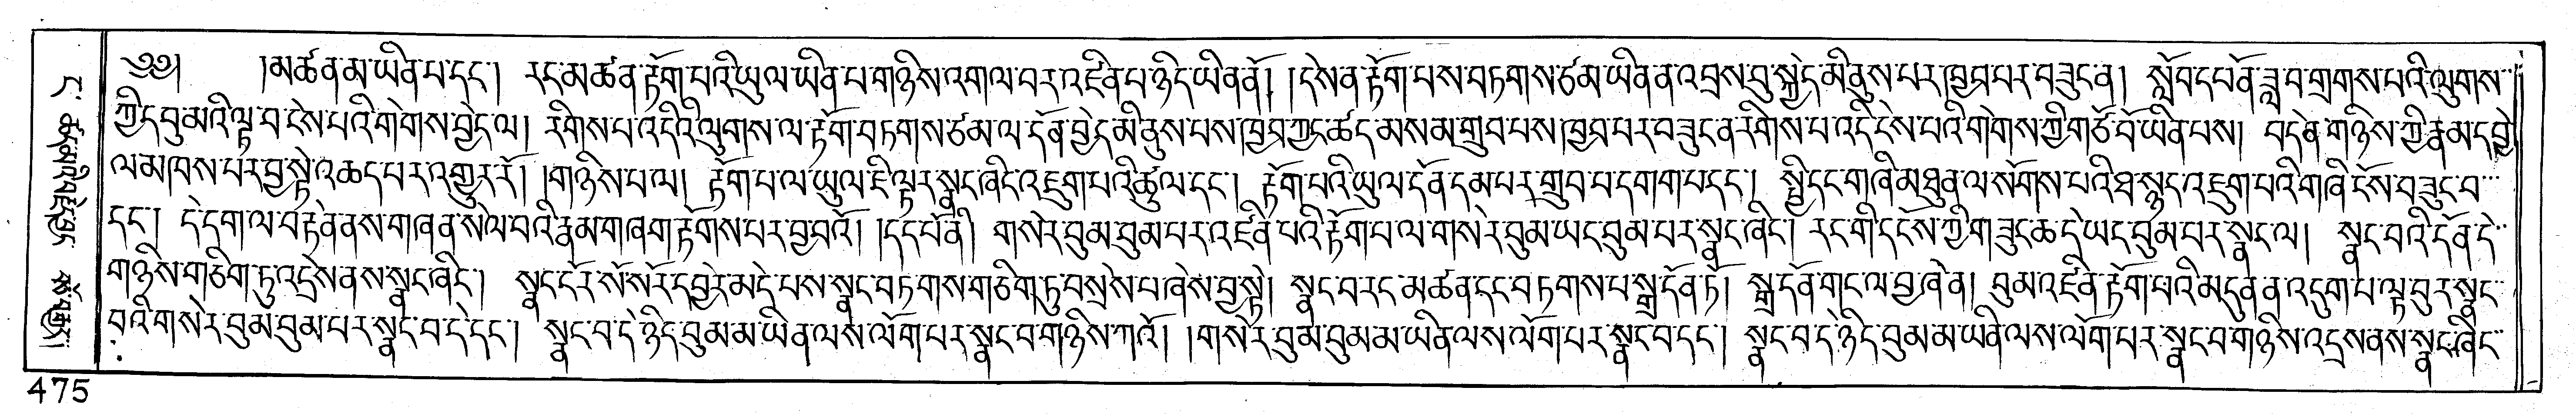༄༅། །མཚན་མ་ཡིན་པ་དང་། རང་མཚན་རྟོག་པའི་ཡུལ་ཡིན་བ་གཉིས་འགལ་བར་འཛིན་པ་ཉིད་ཡིན་ནོ། །དེས་ན་རྟོག་པས་བཏགས་ཙམ་ཡིན་ན་འབྲས་བུ་སྐྱེད་མི་ནུས་པར་ཁྱབ་པར་བཟུང་ན། སློབ་དཔོན་ཟླ་བ་གྲགས་པའི་ལུགས་
ཀྱི་དབུ་མའི་ལྟ་བ་ངེས་པའི་གེགས་བྱེད་ལ། རིགས་པ་འདིའི་ལུགས་ལ་རྟོག་བཏགས་ཙམ་ལ་དོན་བྱེད་མི་ནུས་པས་ཁྱབ་ཀྱང་ཚད་མས་མ་གྲུབ་པས་ཁྱབ་པར་བཟུང་ན་རིགས་པ་འདི་ངེས་པའི་གེགས་ཀྱི་གཙོ་བོ་ཡིན་པས། བདེན་གཉིས་ཀྱི་རྣམ་དབྱེ་
ལ་མཁས་པར་བྱ་སྟེ་འཆད་པར་འགྱུར་རོ། །གཉིས་པ་ལ། རྟོག་པ་ལ་ཡུལ་ཇི་ལྟར་སྣང་ཞིང་འཇུག་བའི་ཚུལ་དང་། རྟོག་པའི་ཡུལ་དོན་དམ་པར་གྲུབ་པ་དགག་པ་དང་། སྤྱི་དང་གཞི་མཐུན་ལ་སོགས་པའི་ཐ་སྙད་འཇུག་པའི་གཞི་ངོས་བཟུང་བ་
དང་། དེ་དག་ལ་བརྟེན་ནས་གཞན་སེལ་བའི་རྣམ་གཞག་རྟོགས་པར་བྱ་བའོ། །དང་པོ་ནི། གསེར་བུམ་བུམ་པར་འཛིན་པའི་རྟོག་པ་ལ་གསེར་བུམ་ཡང་བུམ་པར་སྣང་ཞིང་། རང་གི་དངོས་ཀྱི་གཟུང་ཆ་དེ་ཡང་བུམ་པར་སྣང་ལ། སྣང་བའི་དོན་དེ་
གཉིས་གཅིག་ཏུ་འདྲེས་ནས་སྣང་ཞིང་། སྣང་ངོར་སོ་སོར་དབྱེར་མེད་པས་སྣང་བཏགས་གཅིག་ཏུ་བསྲེས་པ་ཞེས་བྱ་སྟེ། སྣང་བ་རང་མཚན་དང་བཏགས་པ་སྒྲ་དོན་ཏོ། སྒྲ་དོན་གང་ལ་བྱ་ཞེ་ན། བུམ་འཛིན་རྟོག་པའི་མདུན་ན་འདུག་པ་ལྟ་བུར་སྣང་
བའི་གསེར་བུམ་བུམ་པར་སྣང་བ་དེ་དང་། སྣང་བ་དེ་ཉིད་བུམ་མ་ཡིན་ལས་ལོག་པར་སྣང་བ་གཉིས་ཀའོ། །གསེར་བུམ་བུམ་མ་ཡིན་ལས་ལོག་པར་སྣང་བ་དང་། སྣང་བ་དེ་ཉིད་བུམ་མ་ཡིན་ལས་ལོག་བར་སྣང་བ་གཉིས་འདྲེས་ནས་སྣང་ཞིང་